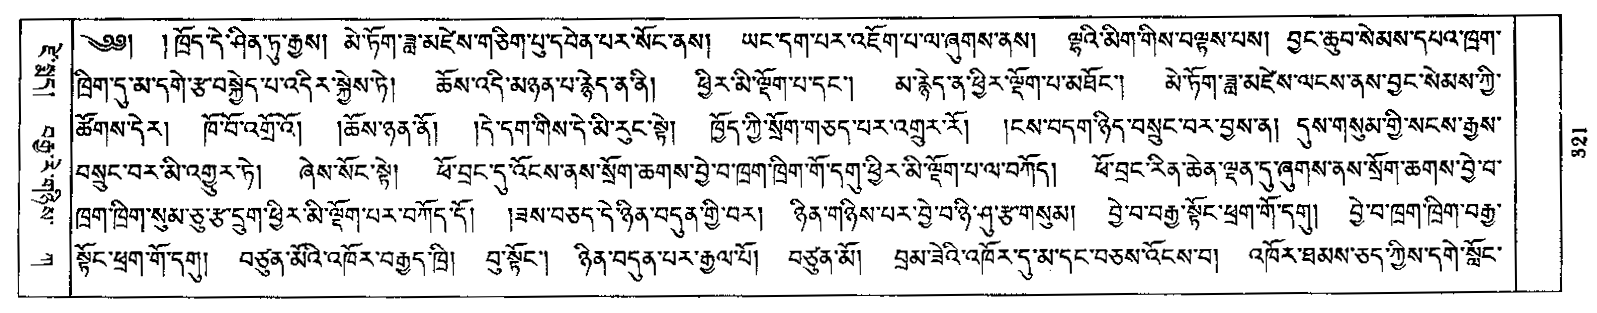༄༅། །ཁྲོད་དེ་ཤིན་ཏུ་རྒྱས། མེ་ཏོག་ཟླ་མཛེས་གཅིག་པུ་དབེན་པར་སོང་ནས། ཡང་དག་པར་འཇོག་པ་ལ་ཞུགས་ནས། ལྷའི་མིག་གིས་བལྟས་པས། བྱང་ཆུབ་སེམས་དཔའ་ཁྲག་
ཁྲིག་དུ་མ་དགེ་རྩ་བསྐྱེད་པ་འདིར་སྐྱེས་ཏེ། ཆོས་འདི་མཉན་པ་རྙེད་ན་ནི། ཕྱིར་མི་ལྡོག་པ་དང་། མ་རྙེད་ན་ཕྱིར་ལྡོག་པ་མཐོང་། མེ་ཏོག་ཟླ་མཛེས་ལངས་ནས་བྱང་སེམས་ཀྱི་
ཚོགས་དེར། ཁོ་བོ་འགྲོ་འོ། །ཆོས་ཉན་ནོ། །དེ་དག་གིས་དེ་མི་རུང་སྟེ། ཁྱོད་ཀྱི་སྲོག་གཅད་པར་འགྲུར་རོ། །ངས་བདག་ཉིད་བསྲུང་བར་བྱས་ན། དུས་གསུམ་གྱི་སངས་རྒྱས་
བསྲུང་བར་མི་འགྱུར་ཏེ། ཞེས་སོང་སྟེ། ཕོ་བྲང་དུ་འོངས་ནས་སྲོག་ཆགས་བྱེ་བ་ཁྲག་ཁྲིག་གོ་དགུ་ཕྱིར་མི་ལྡོག་པ་ལ་བཀོད། ཕོ་བྲང་རིན་ཆེན་ལྡན་དུ་ཞུགས་ནས་སྲོག་ཆགས་བྱེ་བ་
ཁྲག་ཁྲིག་སུམ་ཅུ་རྩ་དྲུག་ཕྱིར་མི་ལྡོག་པར་བཀོད་དོ། །ཟས་བཅད་དེ་ཉིན་བདུན་གྱི་བར། ཉིན་གཉིས་པར་བྱེ་བ་ཉི་ཤུ་རྩ་གསུམ། བྱེ་བ་བརྒྱ་སྟོང་ཕྲག་གོ་དགུ། བྱེ་བ་ཁྲག་ཁྲིག་བརྒྱ་
སྟོང་ཕྲག་གོ་དགུ། བཙུན་མོའི་འཁོར་བརྒྱད་ཁྲི། བུ་སྟོང་། ཉིན་བདུན་པར་རྒྱལ་པོ། བཙུན་མོ། བྲམ་ཟེའི་འཁོར་དུ་མ་དང་བཅས་འོངས་བ། འཁོར་ཐམས་ཅད་ཀྱིས་དགེ་སློང་